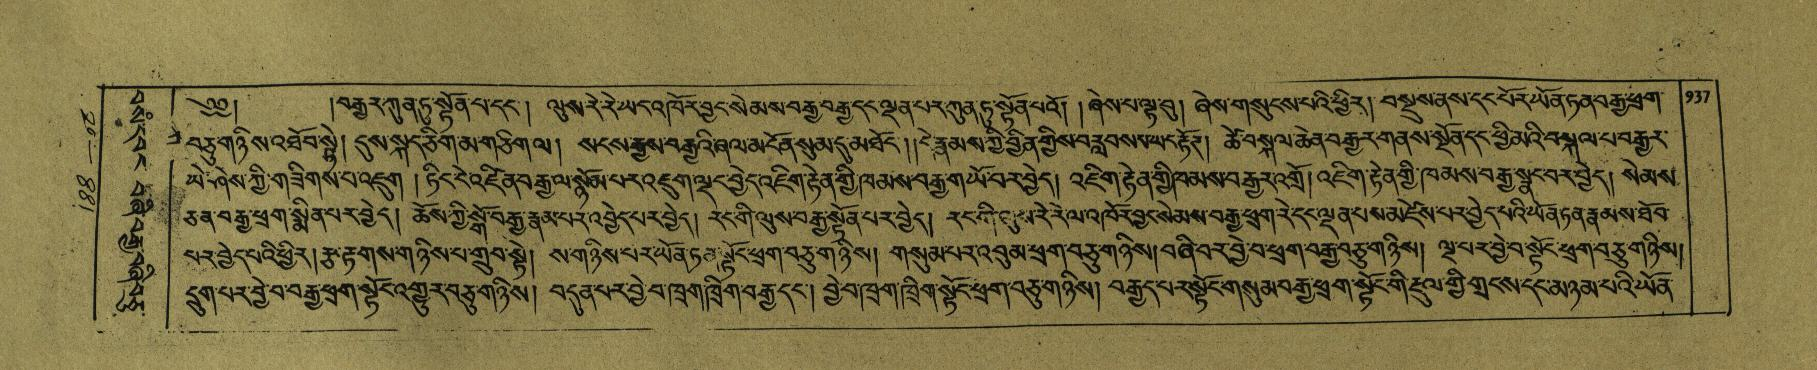༄༅། །བརྒྱར་ཀུན་ཏུ་སྟོན་པ་དང་། ལུས་རེ་རེ་ཡང་འཁོར་བྱང་སེམས་བརྒྱ་བརྒྱད་དང་ལྡན་པར་ཀུན་ཏུ་སྟོན་པའོ། །ཞེས་པ་ལྟ་བུ། ཞེས་གསུངས་པའི་ཕྱིར། བསྡུས་ནས་དང་པོར་ཡོན་ཏན་བརྒྱ་ཕྲག་
བཅུ་གཉིས་འཐོབ་སྟེ། དུས་སྐད་ཅིག་མ་གཅིག་ལ། སངས་རྒྱས་བརྒྱའི་ཞལ་མངོན་སུམ་དུ་མཐོང་། །དེ་རྣམས་ཀྱི་བྱིན་གྱིས་བརླབས་པ་ཡང་རྟོཊ། ཚེ་བསྐལ་ཆེན་བརྒྱར་གནས་སྔོན་དང་ཕྱི་མའི་བསྐལ་པ་བརྒྱར་
ཡེ་ཤེས་ཀྱི་གཟིགས་པ་འཇུག །ཏིང་ངེ་འཛིན་བརྒྱ་ལ་སྙོམ་པར་འཇུག་ལྡང་བྱེད་འཇིག་རྟེན་གྱི་ཁམས་བརྒྱ་གཡོ་བར་བྱེད། འཇིག་རྟེན་གྱི་ཁམས་བརྒྱར་འགྲོ། འཇིག་རྟེན་གྱི་ཁམས་བརྒྱ་སྣང་བར་བྱེད། སེམས་
ཅན་བརྒྱ་ཕྲག་སྨིན་པར་བྱེད། ཆོས་ཀྱི་སྒོ་བརྒྱ་རྣམ་པར་འབྱེད་པར་བྱེད། རང་གི་ལུས་བརྒྱ་སྟོན་པར་བྱེད། རང་གི་ལུས་རེ་རེ་ལ་འཁོར་བྱང་སེམས་བརྒྱ་ཕྲག་རེ་དང་ལྡན་པས་མཛེས་པར་བྱེད་པའི་ཡོན་ཏན་རྣམས་ཐོབ་
པར་བྱེད་པའི་ཕྱིར། རྩ་རྟགས་གཉིས་པ་གྲུབ་སྟེ། ས་གཉིས་པར་ཡོན་ཏན་སྟོང་ཕྲག་བཅུ་གཉིས། གསུམ་པར་འབུམ་ཕྲག་བཅུ་གཉིས། བཞི་བར་བྱེ་བ་ཕྲག་བརྒྱ་བཅུ་གཉིས། ལྔ་པར་བྱེ་བ་སྟོང་ཕྲག་བཅུ་གཉིས།
དྲུག་པར་བྱེ་བ་བརྒྱ་ཕྲག་སྟོང་འགྱུར་བཅུ་གཉིས། བདུན་པར་བྱེ་བ་ཁྲག་ཁྲིག་བརྒྱ་དང་། བྱེ་བ་ཁྲག་ཁྲིག་སྟོང་ཕྲག་བཅུ་གཉིས། བརྒྱད་པར་སྟོང་གསུམ་བརྒྱ་ཕྲག་སྟོང་གི་རྡུལ་གྱི་གྲངས་དང་མཉམ་པའི་ཡོན་